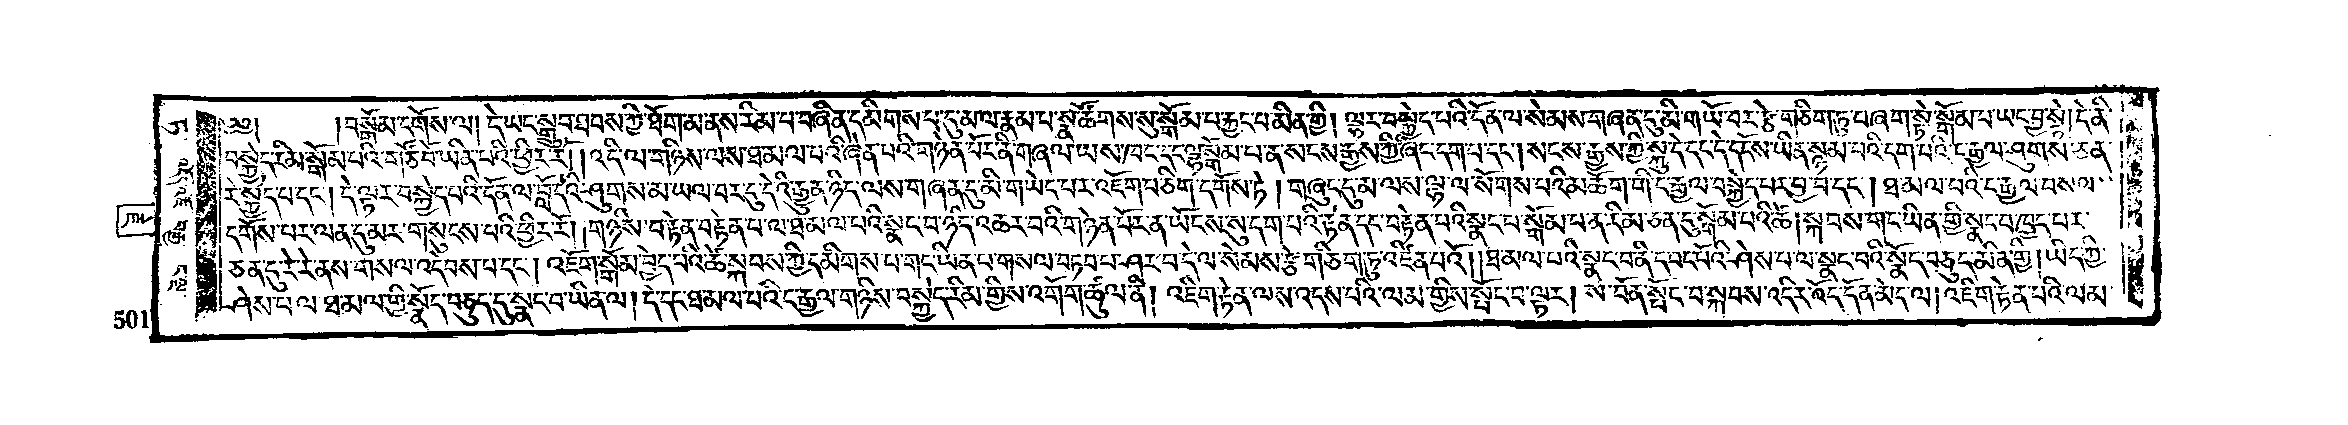༄༅། །བསྒོམ་དགོས་ལ། དེ་ཡང་སྒྲུབ་ཐབས་ཀྱི་ཐོག་མ་ནས་རིམ་པ་བཞིན་དམིགས་པ་དུ་མ་ལ་རྣམ་པ་སྣ་ཚོགས་སུ་སྒོམ་པ་རྐྱང་པ་མིན་གྱི། ལྷར་བསྐྱེད་པའི་དོན་ལ་སེམས་གཞན་དུ་མི་གཡོ་བར་རྩེ་གཅིག་ཏུ་བཞག་སྟེ་སྒོམ་པ་ཡང་བྱ་སྟེ། དེ་ནི་
བསྐྱེད་རིམ་སྒོམ་པའི་གཙོ་བོ་ཡིན་པའི་ཕྱིར་རོ། །འདི་ལ་གཉིས་ལས་ཐ་མལ་པའི་ཞེན་པའི་གཉེན་པོར་ནི་གཞལ་ཡས་ཁང་དང་ལྷ་སྒོམ་པ་ན་སངས་རྒྱས་ཀྱི་ཞིང་དག་པ་དང་། སངས་རྒྱས་ཀྱི་སྐུ་དེ་དང་དེ་དངོས་ཡིན་སྙམ་པའི་དག་པའི་ང་རྒྱལ་ཤུགས་ཅན་
རེ་སྐྱེད་པ་དང་། དེ་ལྟར་བསྐྱེད་པའི་དོན་ལ་བློ་དེའི་ཤུགས་མ་ཡལ་བར་དུ་དེའི་རྒྱུན་ཉིད་ལས་གཞན་དུ་མི་གཡེང་པར་འཇོག་པ་ཅིག་དགོས་ཏེ། གཞུང་དུ་མ་ལས་ལྷ་ལ་སོགས་པའི་མཆོག་གི་ང་རྒྱལ་བསྐྱེད་པར་བྱ་བ་དང་། ཐ་མལ་པའི་ང་རྒྱལ་བསལ་
དགོས་པར་ལན་དུ་མར་གསུངས་པའི་ཕྱིར་རོ། །གཉིས་པ་རྟེན་བརྟེན་པ་ལ་ཐ་མལ་པའི་སྣང་བ་ཉིད་འཆར་བའི་གཉེན་པོར་ན་ཡོངས་སུ་དག་པའི་རྟེན་དང་བརྟེན་པའི་སྣང་བ་སྒོམ་པ་ན་རིམ་ཅན་དུ་སྒོམ་པའི་ཚེ། སྐབས་གང་ཡིན་གྱི་སྣང་བ་ཁྱད་པར་
ཅན་དུ་རེ་རེ་ནས་གསལ་འདེབས་པ་དང་། འཇོག་སྒོམ་བྱེད་པའི་ཚེ་སྐབས་ཀྱི་དམིགས་པ་གང་ཡིན་པ་གསལ་བཏབ་པ་ཤར་བ་དེ་ལ་སེམས་རྩེ་གཅིག་ཏུ་འཛིན་པའོ། །ཐ་མལ་པའི་སྣང་བ་ནི་དབང་པོའི་ཤེས་པ་ལ་སྣང་བའི་སྣོད་བཅུད་མིན་གྱི། ཡིད་ཀྱི་
ཤེས་པ་ལ་ཐ་མལ་གྱི་སྣོད་བཅུད་དུ་སྣང་བ་ཡིན་ལ། དེ་དང་ཐ་མལ་པའི་ང་རྒྱལ་གཉིས་བསྐྱེད་རིམ་གྱིས་འགོག་ཚུལ་ནི། འཇིག་རྟེན་ལས་འདས་པའི་ལམ་གྱིས་སྤོང་བ་ལྟར། ས་བོན་སྤོང་བ་སྐབས་འདིར་འོད་དོན་མེད་ལ། འཇིག་རྟེན་པའི་ལམ་